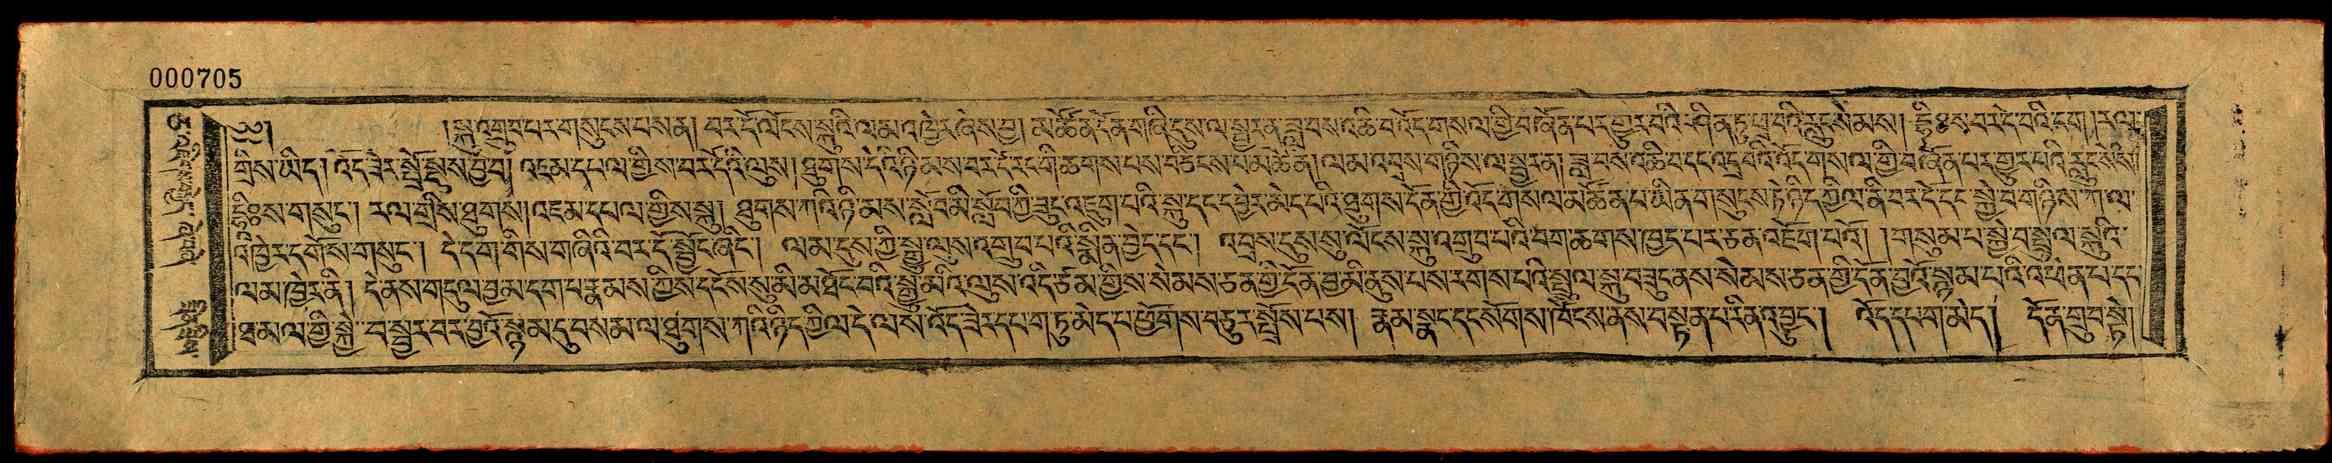༄༅། །སྐུ་འགྲུབ་པར་གསུངས་པས་ན། བར་དོ་ལོངས་སྐུའི་ལམ་འཁྱེར་ཞེས་བྱ། མཚོན་དོན་གཞི་དུས་ལ་སྦྱར་ན་ཟླ་བས་འཆི་བ་འོད་གསལ་གྱི་བཞོན་པར་གྱུར་པའི་ཤིན་ཏུ་ཕྲ་བའི་རླུང་སེམས། དྷཱིཿ ས་བར་དོ་བའི་དག །རལ་
གྲིས་ཡིད། འོད་ཟེར་སྤྲོ་བསྡུ་བྱ་བ། འཇམ་དཔལ་གྱིས་བར་དོའི་ལུས། ཐུགས་ཀའི་ཉི་མས་བར་དོ་རང་གི་ཆགས་པས་བཅིངས་པ་མཚོན། ལམ་འབྲས་གཉིས་ལ་སྦྱར་ན། ཟླ་བས་འཆི་བ་དང་འདྲ་བའི་འོད་གསལ་གྱི་བཞོན་པར་གྱུར་པའི་རླུང་སེམས་
དྷཱིཿ ས་གསུང་། རལ་གྲིས་ཐུགས། འཇམ་དཔལ་གྱིས་སྐུ། ཐུགས་ཀའི་ཉི་མས་སློབ་མི་སློབ་ཀྱི་ཟུང་འཇུག་པའི་སྐུ་དང་དབྱེར་མེད་པའི་ཐུགས་དོན་གྱི་འོད་གསལ་མཚོན་པ་ཡིན་གསུངས་ཏེ་ཉི་དཀྱིལ་ནི་བར་དོ་དང་སྐྱེ་བ་གཉིས་ཀ་ལ་
འཁྱེར་དགོས་གསུང་། དེ་དག་གིས་གཞིའི་བར་དོ་སྦྱོང་ཞིང་། ལམ་དུས་ཀྱི་སྒྱུ་ལུས་འགྲུབ་པའི་སྨིན་བྱེད་དང་། འབྲས་དུས་སུ་ལོངས་སྐུ་འགྲུབ་པའི་བག་ཆགས་ཁྱད་པར་ཅན་འཇོག་པའོ། །གསུམ་པ་སྐྱེ་བ་སྤྲུལ་སྐུའི་
ལམ་ཁྱེར་ནི། དེ་ནས་གདུལ་བྱ་མ་དག་པ་རྣམས་ཀྱིས་དངོས་སུ་མི་མཐོང་བའི་སྒྱུ་མའི་ལུས་འདི་ཙམ་གྱིས་སེམས་ཅན་གྱི་དོན་བྱ་མི་ནུས་པས་རགས་པའི་སྤྲུལ་སྐུ་བཟུང་ནས་སེམས་ཅན་གྱི་དོན་བྱའོ་སྙམ་པའི་འཕེན་པ་དང་
ཐ་མལ་གྱི་སྐྱེ་བ་སྦྱང་བར་བྱའོ་སྙམ་དུ་བསམ་ལ་ཐུགས་ཀའི་ཉི་དཀྱིལ་དེ་ལས་འོད་ཟེར་དཔག་ཏུ་མེད་པ་ཕྱོགས་བཅུར་སྤྲོས་པས། རྣམ་སྣང་དང་སོགས་ཁོངས་ནས་བསྟན་པ་རིན་འབྱུང་། འོད་དཔག་མེད། དོན་གྲུབ་སྟེ།